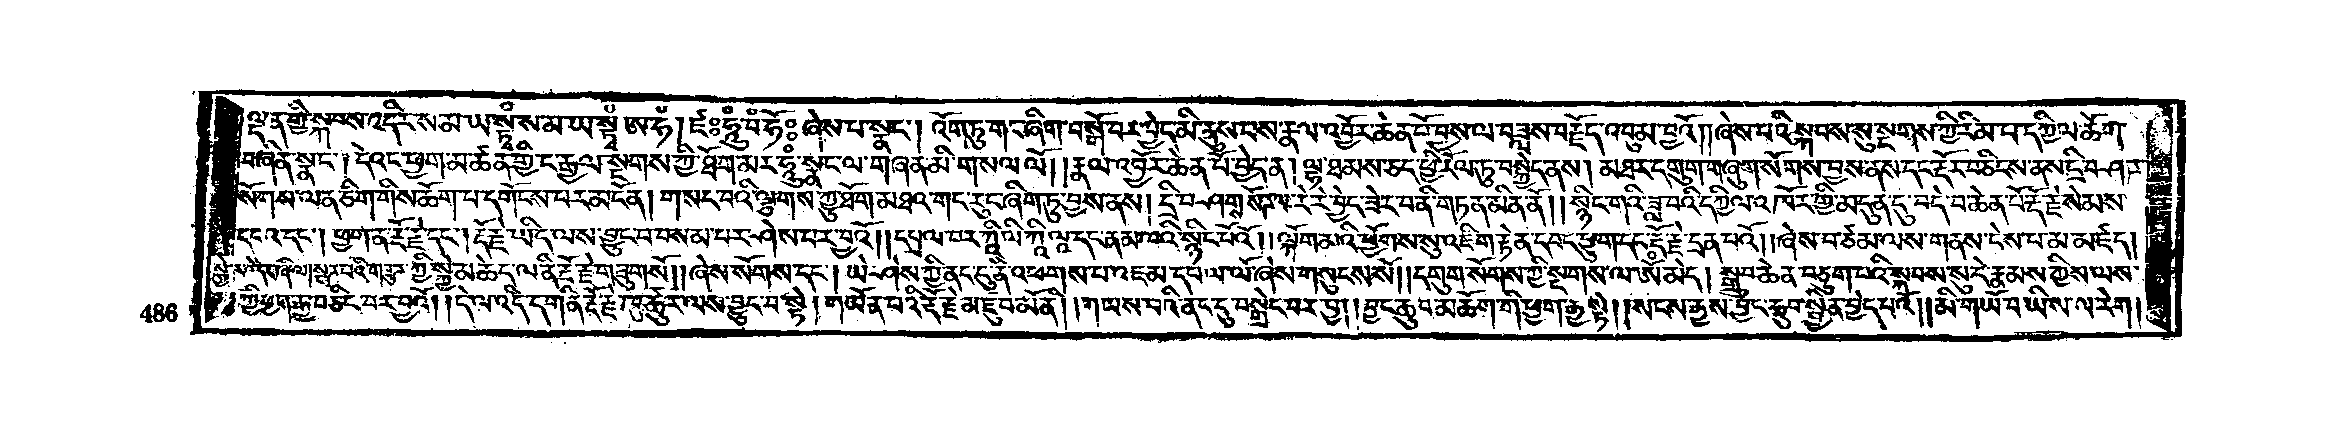ལྡན་གྱི་སྐབས་འདིར་ས་མ་ཡ་སྟྭཾ་ས་མ་ཡ་སྟྭཾ་ཨ་ཧཾ། ཛཿ ཧཱུཾ་བཾ་ཧོཿ ཞེས་པ་སྣང་། འོག་ཏུ་གང་ཞིག་བསྒོ་བར་བྱེད་མི་ནུས་པས་རྣལ་འབྱོར་ཆེན་པོ་བྱས་ལ་བཟླས་བརྗོད་འབུམ་བྱའོ། །ཞེས་པའི་སྐབས་སུ་སྔགས་ཀྱི་རིམ་པ་དཀྱིལ་ཆོག་
བཞིན་སྣང་། དེའང་ཕྱག་མཚན་གྱི་ང་རྒྱལ་སྔགས་ཀྱི་ཐོག་མར་ཧཱུཾ་སྣང་ལ་གཞན་མི་གསལ་ལོ། །རྣལ་འབྱོར་ཆེན་པོ་བྱེད་ན། ལྷ་ཐམས་ཅད་ཕྱི་རོལ་ཏུ་བསྐྱེད་ནས། མཐར་དགུག་གཞུག་སོགས་བྱས་ནས་དང་རྡོར་བཅིངས་ནས་དྲི་བཤགས་
སོགས་ལན་ཅིག་གིས་ཆོག་པ་དགོངས་པར་མངོན། གསང་བའི་ལྕགས་ཀྱུ་ཐོག་མཐའ་གང་རུང་ཞིག་ཏུ་བྱས་ནས། དྲི་བཤགས་སོགས་ལ་རེ་རེ་བྱེད་ཟེར་བ་ནི་གཏན་མིན་ནོ། །སྙིང་གའི་ཟླ་བའི་དཀྱིལ་འཁོར་གྱི་མདུན་དུ་བདེ་བ་ཆེན་པོ་རྡོ་རྗེ་སེམས་
དཔའ་དང་། ཕྱག་ན་རྡོ་རྗེ་དང་། རྡོ་རྗེ་ཡིད་ལས་བྱུང་བ་བསམ་པར་ཤེས་པར་བྱའོ། །དཔྲལ་བར་ཀཱི་ལི་ཀཱི་ལཱ་དང་ནམ་མཁའི་སྙིང་པོའོ། །ལྐོག་མའི་ཕྱོགས་སུ་འཇིག་རྟེན་དབང་ཕྱུག་དང་རྡོ་རྗེ་དྲན་པའོ། །ཞེས་པ་ཙམ་ལས་གནས་ངེས་པ་མ་མཛད།
སྐྱེ་མའི་དེ་བཞི་ལ། ?་སྔགས་པའི་གཟུགས་ཀྱི་སྐྱེ་མཆེད་ལ་ནི་རྡོ་རྗེ་གཟུགས་སོ། །ཞེས་སོགས་དང་། ཡེ་ཤེས་ཀྱི་ནང་དུ་ནི་འཕགས་པ་འཇམ་དཔལ་ལོ་ཞེས་གསུངས་སོ། །དགུག་སོགས་ཀྱི་སྔགས་ལ་ཨོཾ་མེད། སྒྲུབ་ཆེན་བཅུག་པའི་སྐབས་སུ་དེ་རྣམས་ཀྱིས་ལས་
ཀྱི་ཕྱག་རྒྱ་བཅིང་བར་བྱའོ། །དེ་ལ་འདི་དག་ནི་རྡོ་རྗེ་ཁུ་ཚུར་ལས་བྱུང་བ་སྟེ། གཡོན་པའི་རྡོ་རྗེ་མཛུབ་མོ་ནི། །གཡས་པའི་ནང་དུ་བསྒྲེང་བར་བྱ། །བྱང་ཆུབ་མཆོག་གི་ཕྱག་རྒྱ་སྟེ། །སངས་རྒྱས་བྱང་ཆུབ་སྦྱིན་བྱེད་པའོ། །མི་གཡོ་བ་ཡིས་ལ་རེག།